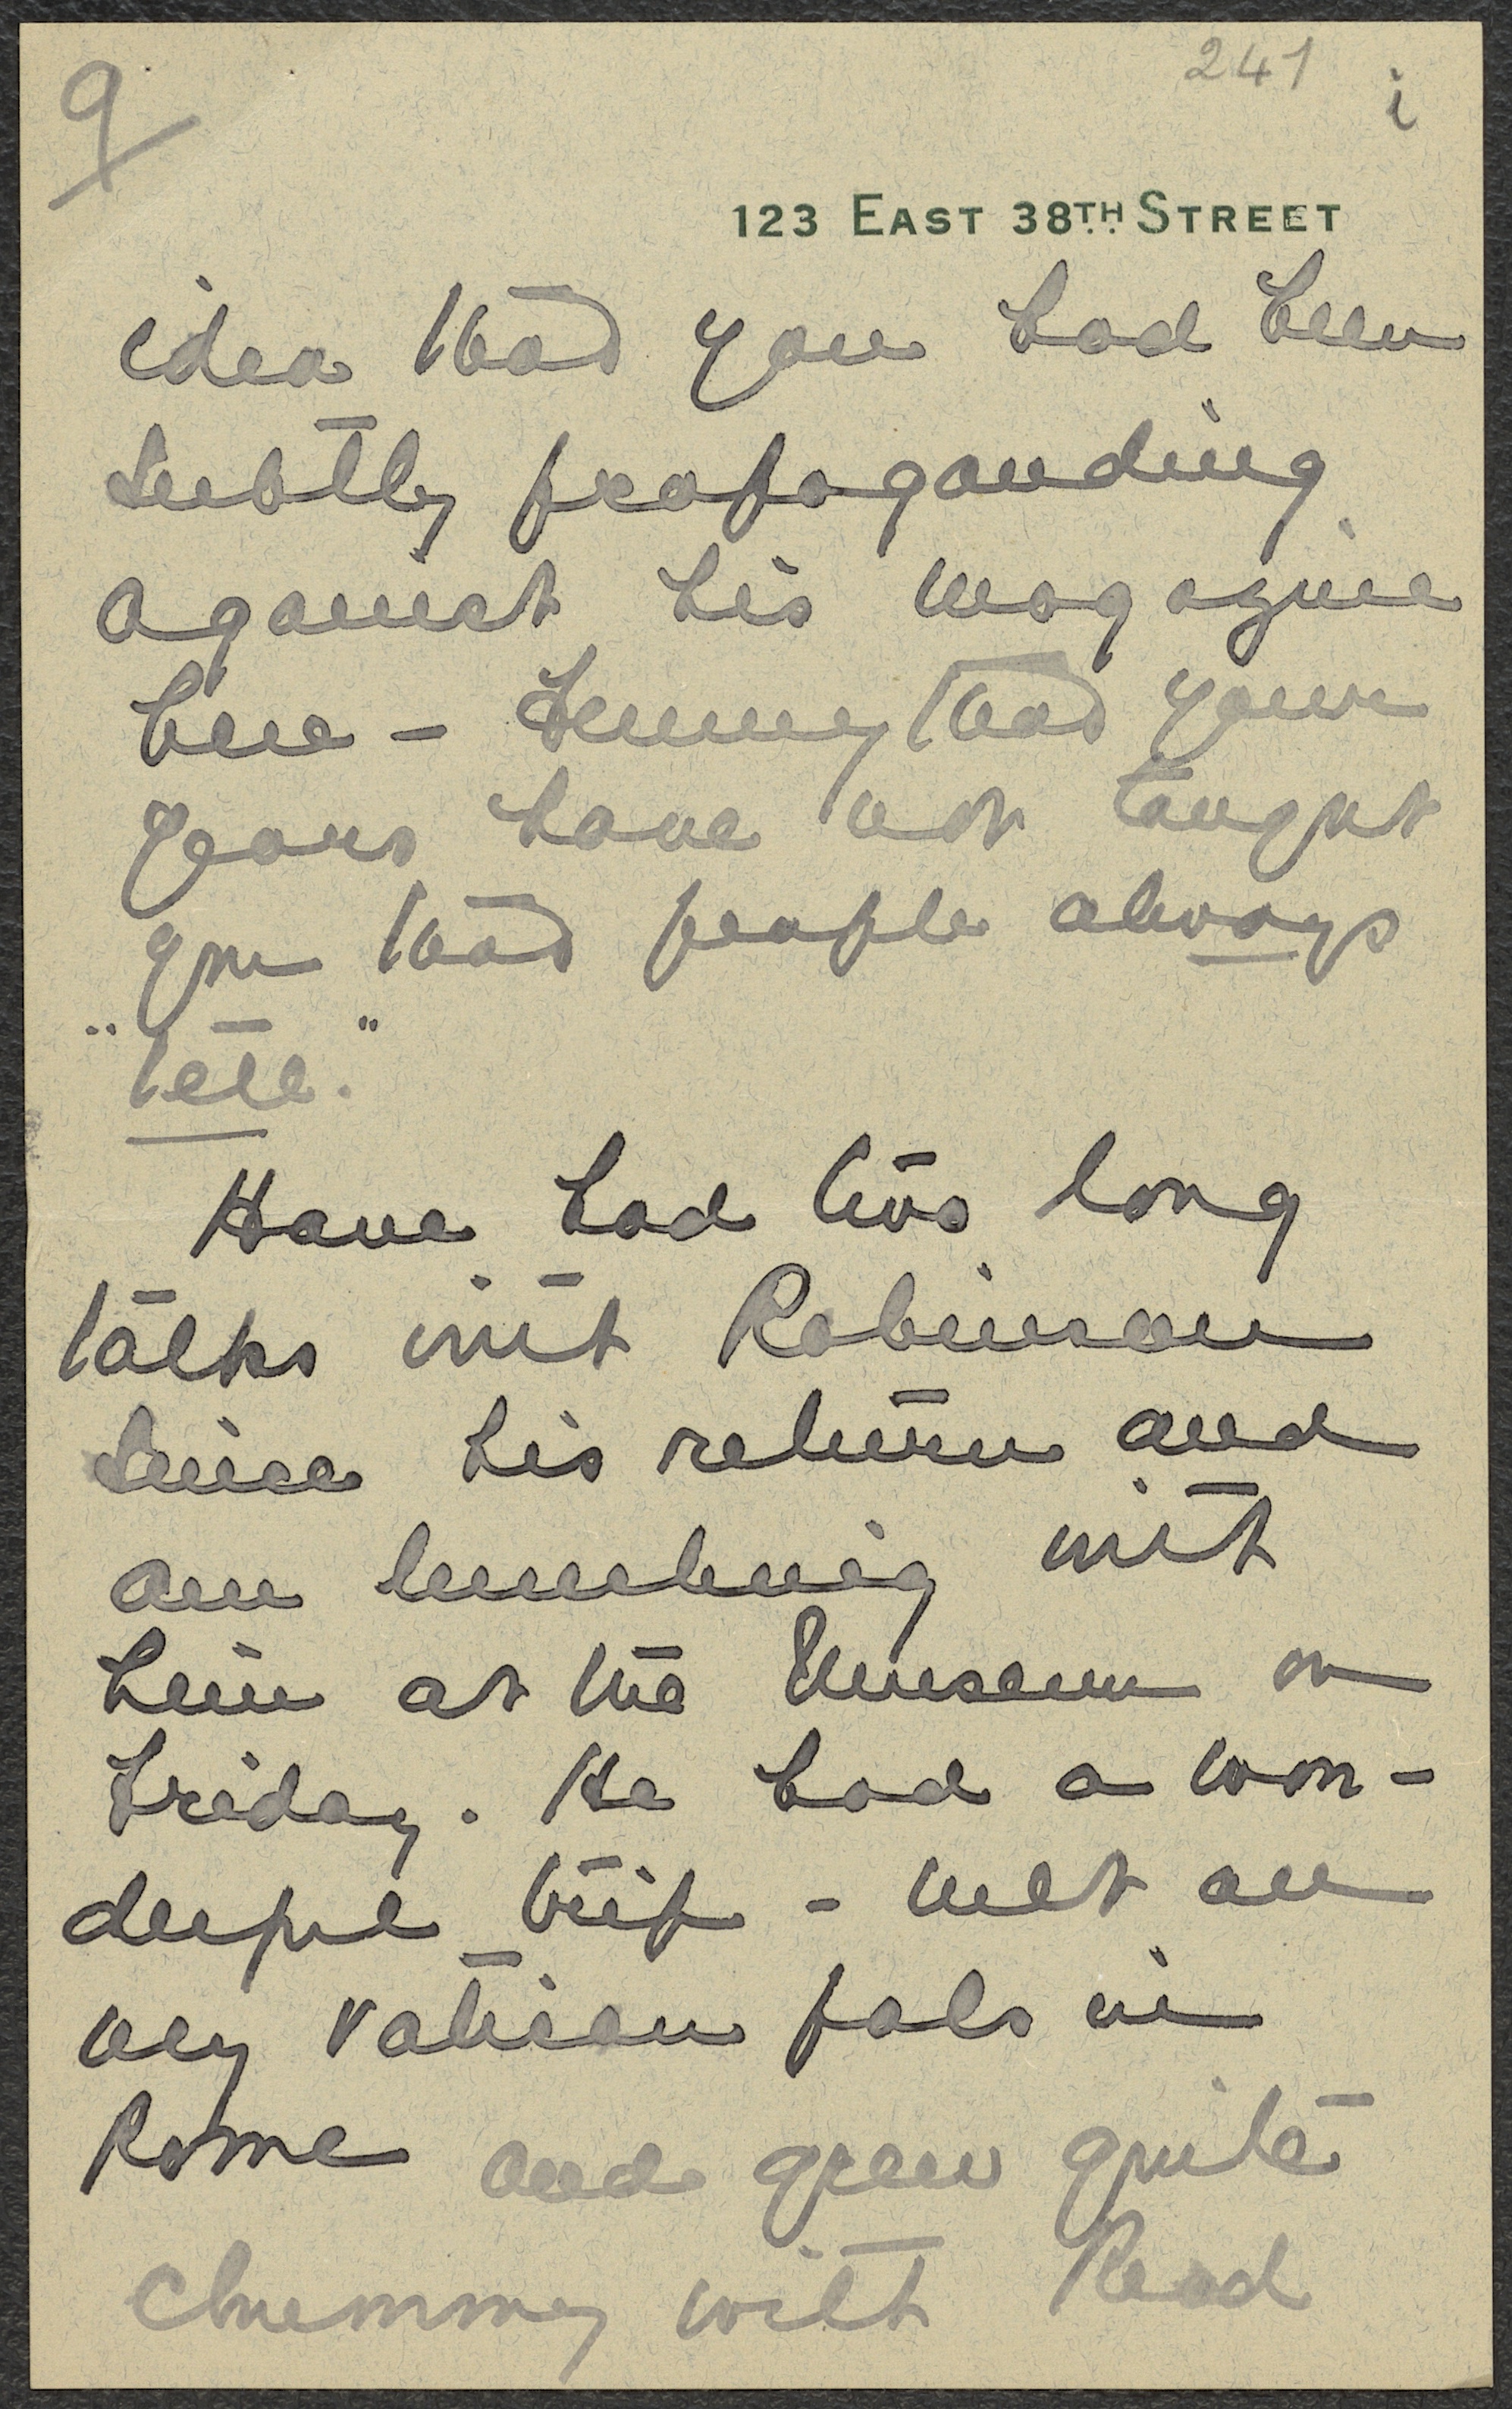9/
idea that you had been subtly propoganding against his magazine here – Funny that your years have not taught you that people always “tell.”
Have had two long talks with Robinson since his return and am lunching with him at the Museum on Friday. He had a wonderful trip – met all my Vatican pals in Rome and grew quite chummy with Read